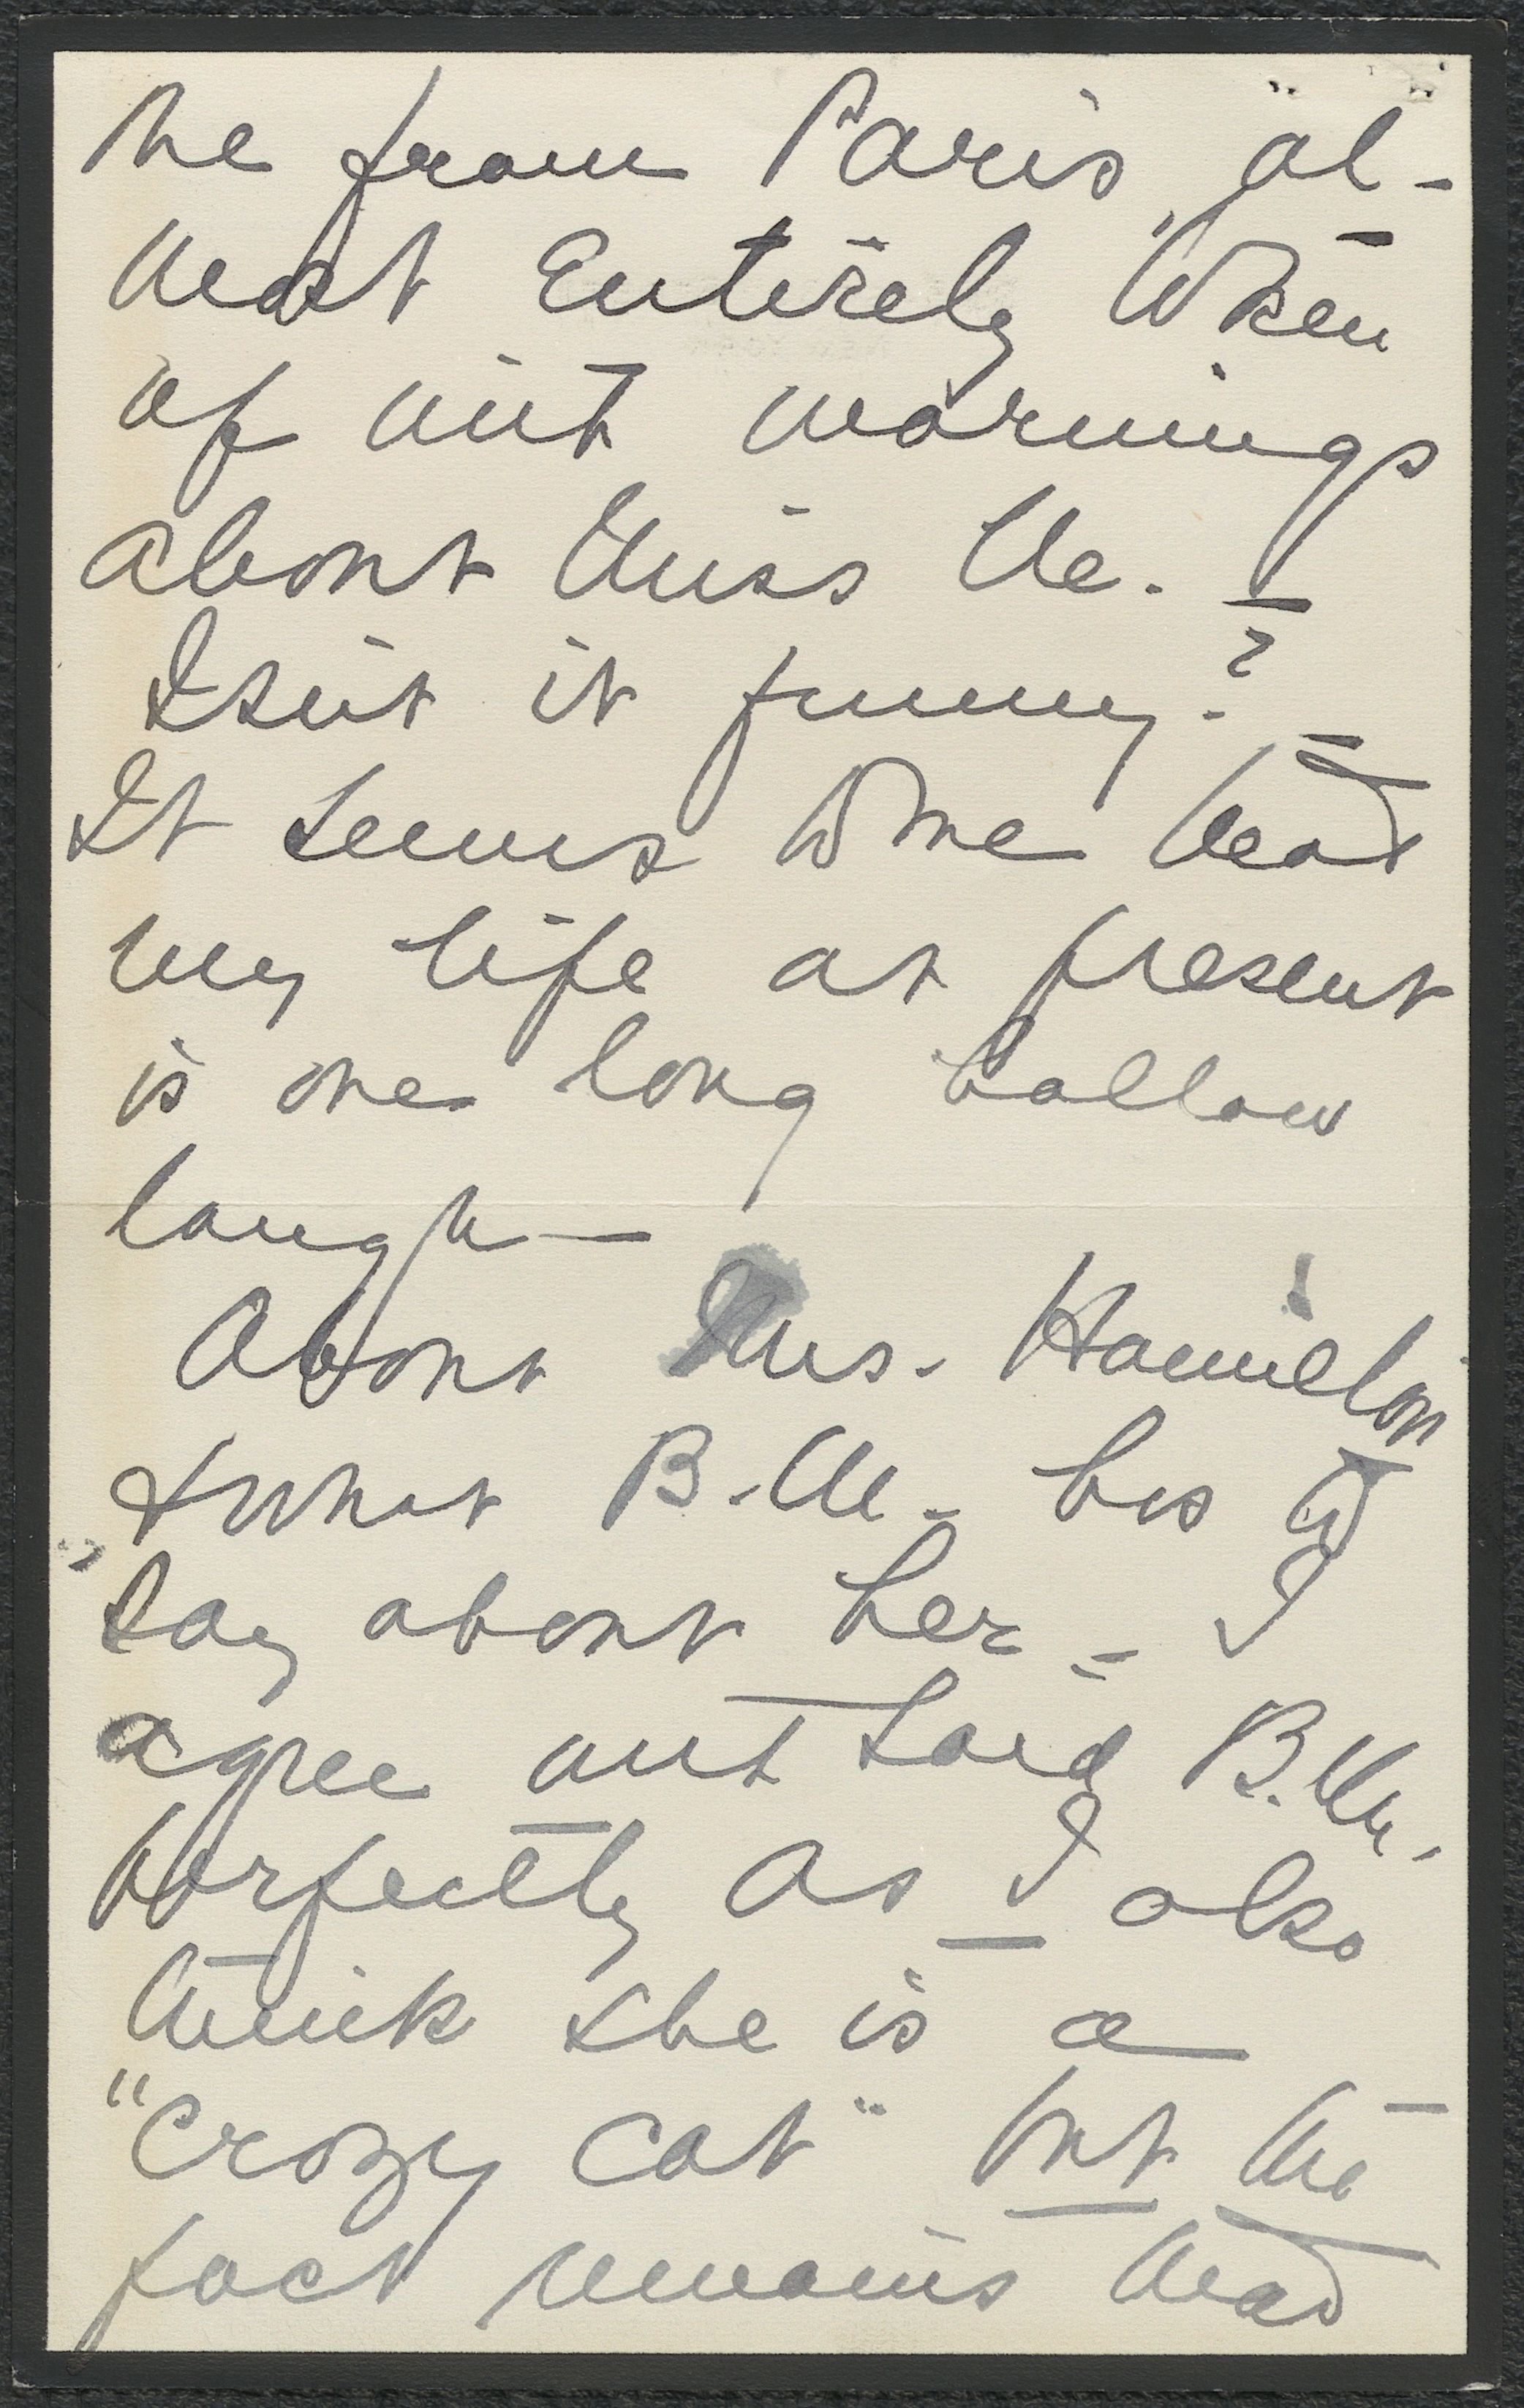one from Paris almost entirely taken up with warnings about Miss M. – Isn’t it funny? It seems to me that my life at present is one long hollow laugh –
About Miss Hamilton and what B.M. has to say about her – I agree with said B.M. perfectly as I also think she is a “crazy cat” but the fact remains that